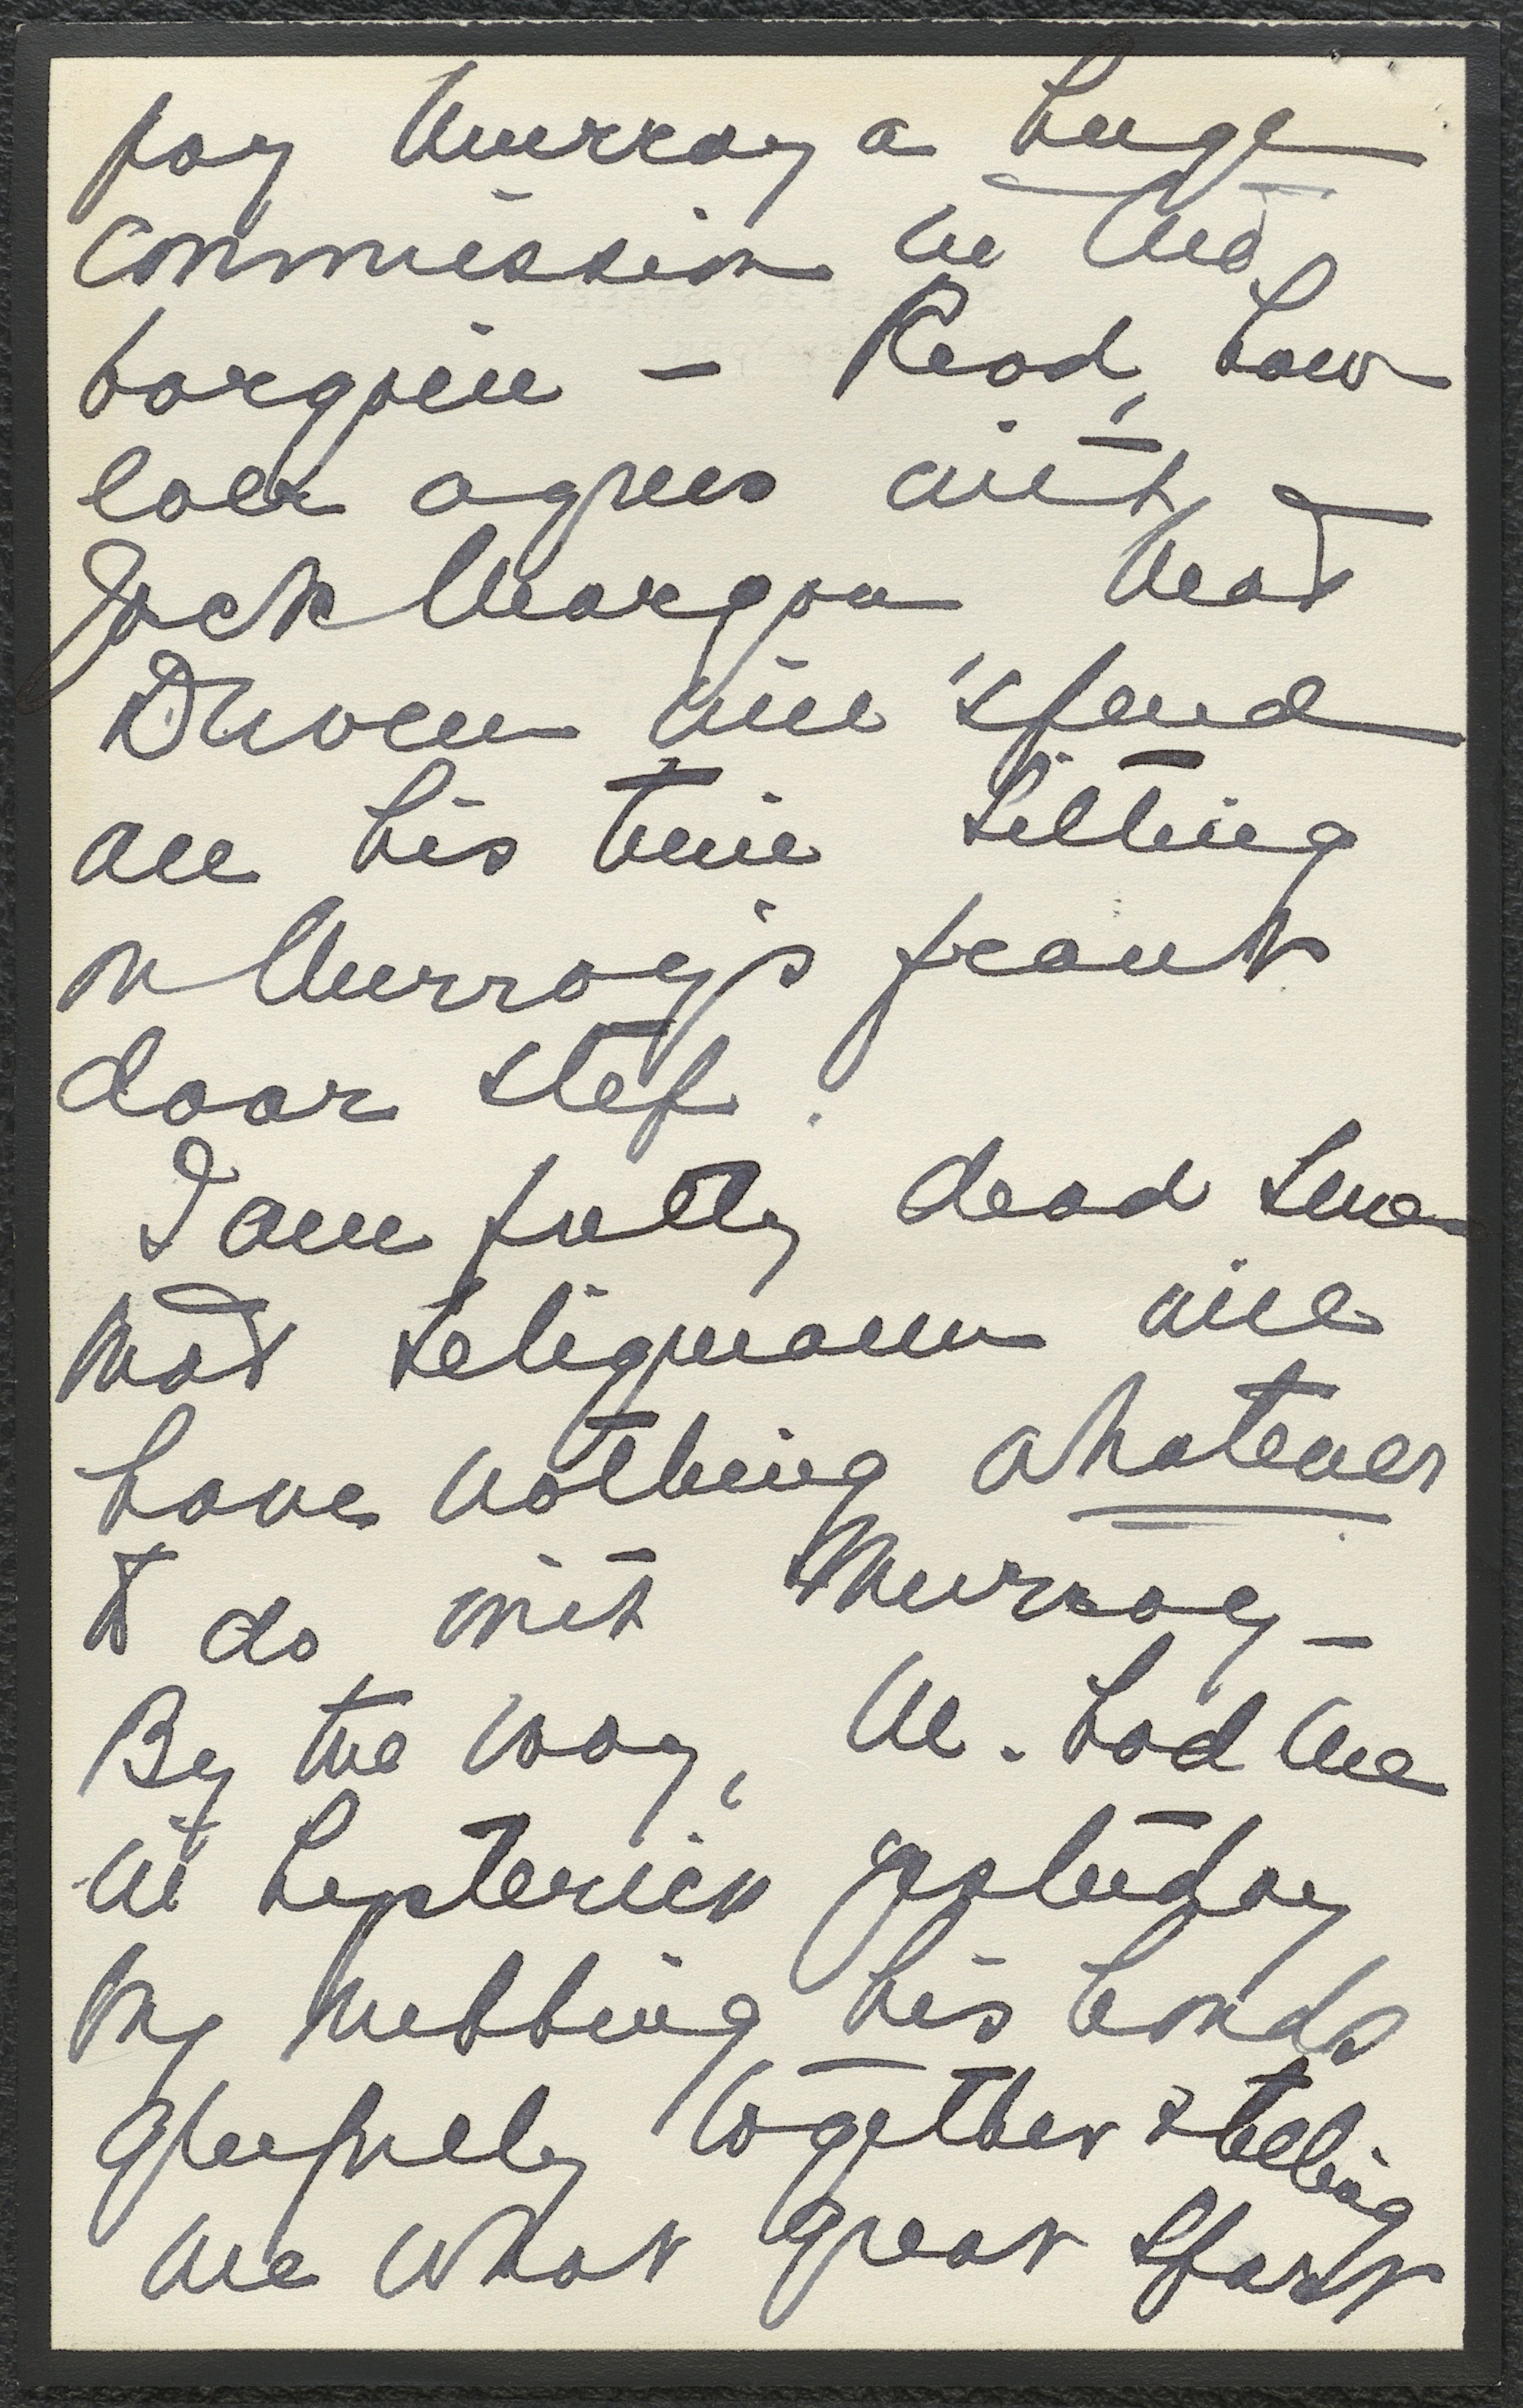pay Murray a huge commission in the bargain – Read, however agrees with Jack Morgan that Duveen will spend all his time sitting on Murray’s front door step.
I am fully dead sure that Seligmann will have nothing [double underlined: whatever] to do with Murray – By the way, M. had me in hysterics yesterday by rubbing his hands gleefully together & telling me what great sport